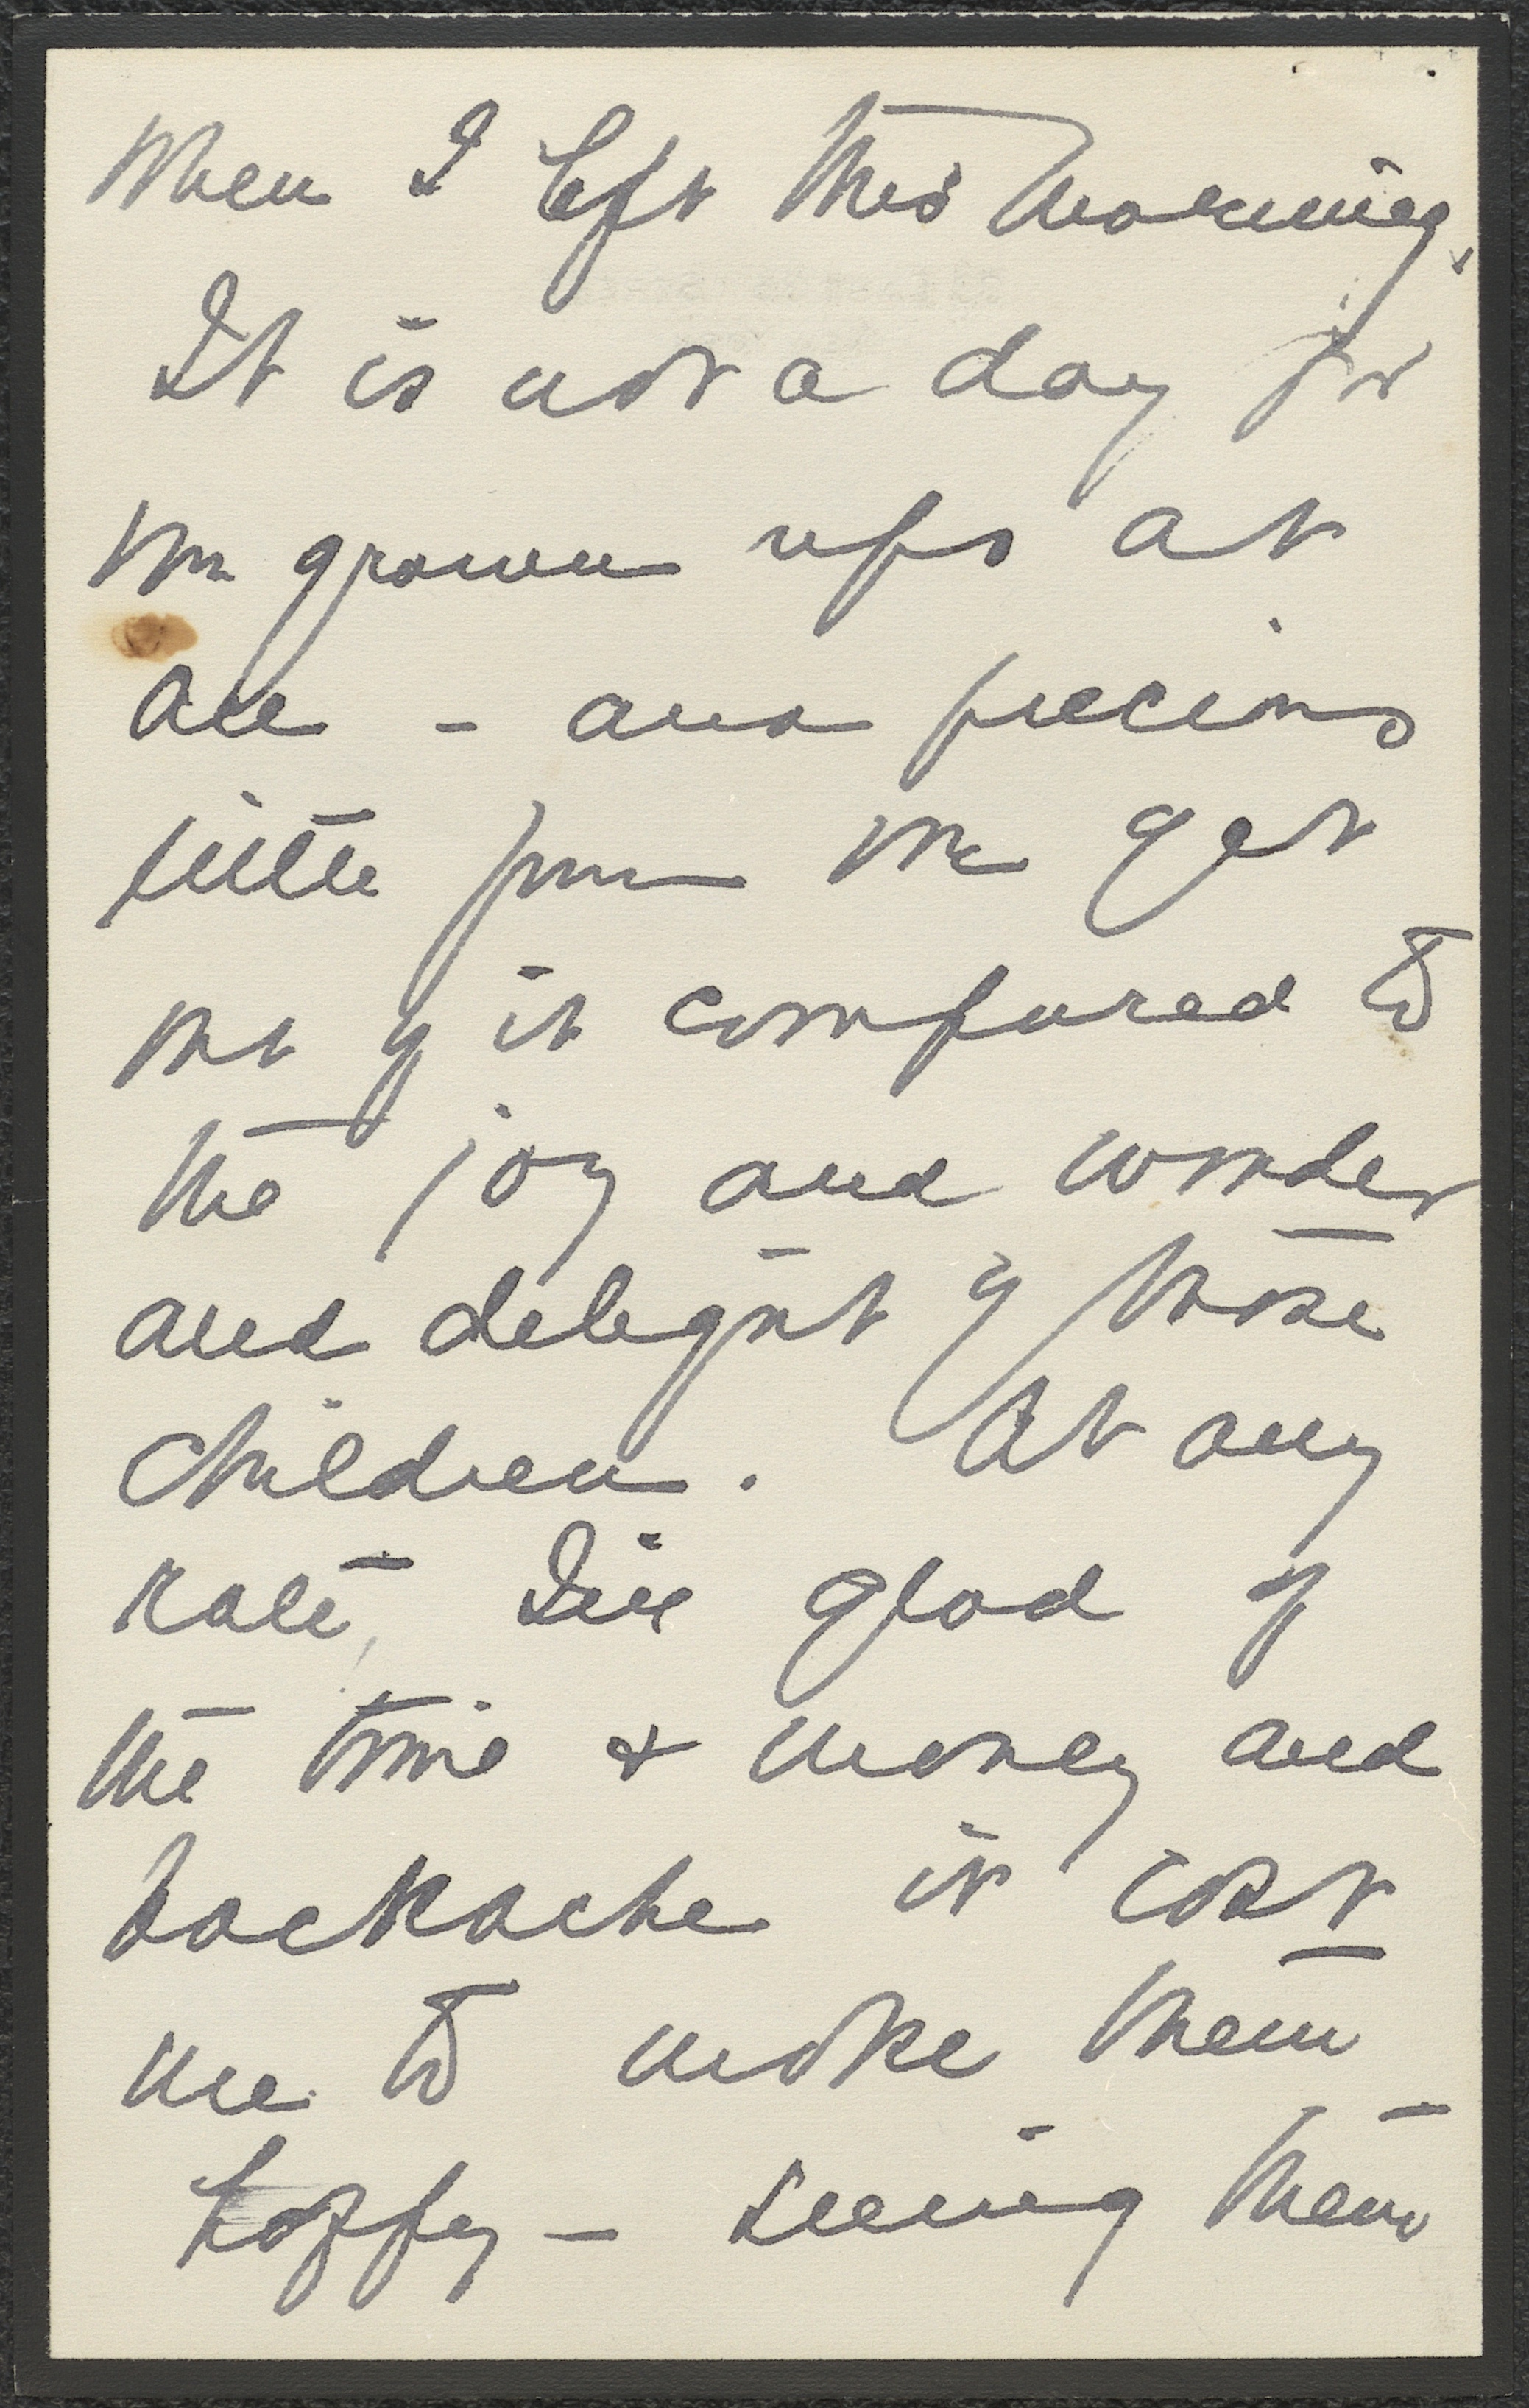when I left this morning.
It is not a day for the grown ups at all – and precious little fun we get out of it compared to the joy and wonder and delight of those children. At any rate I’m glad of the time & money and backache it cost me to make them happy – seeing them